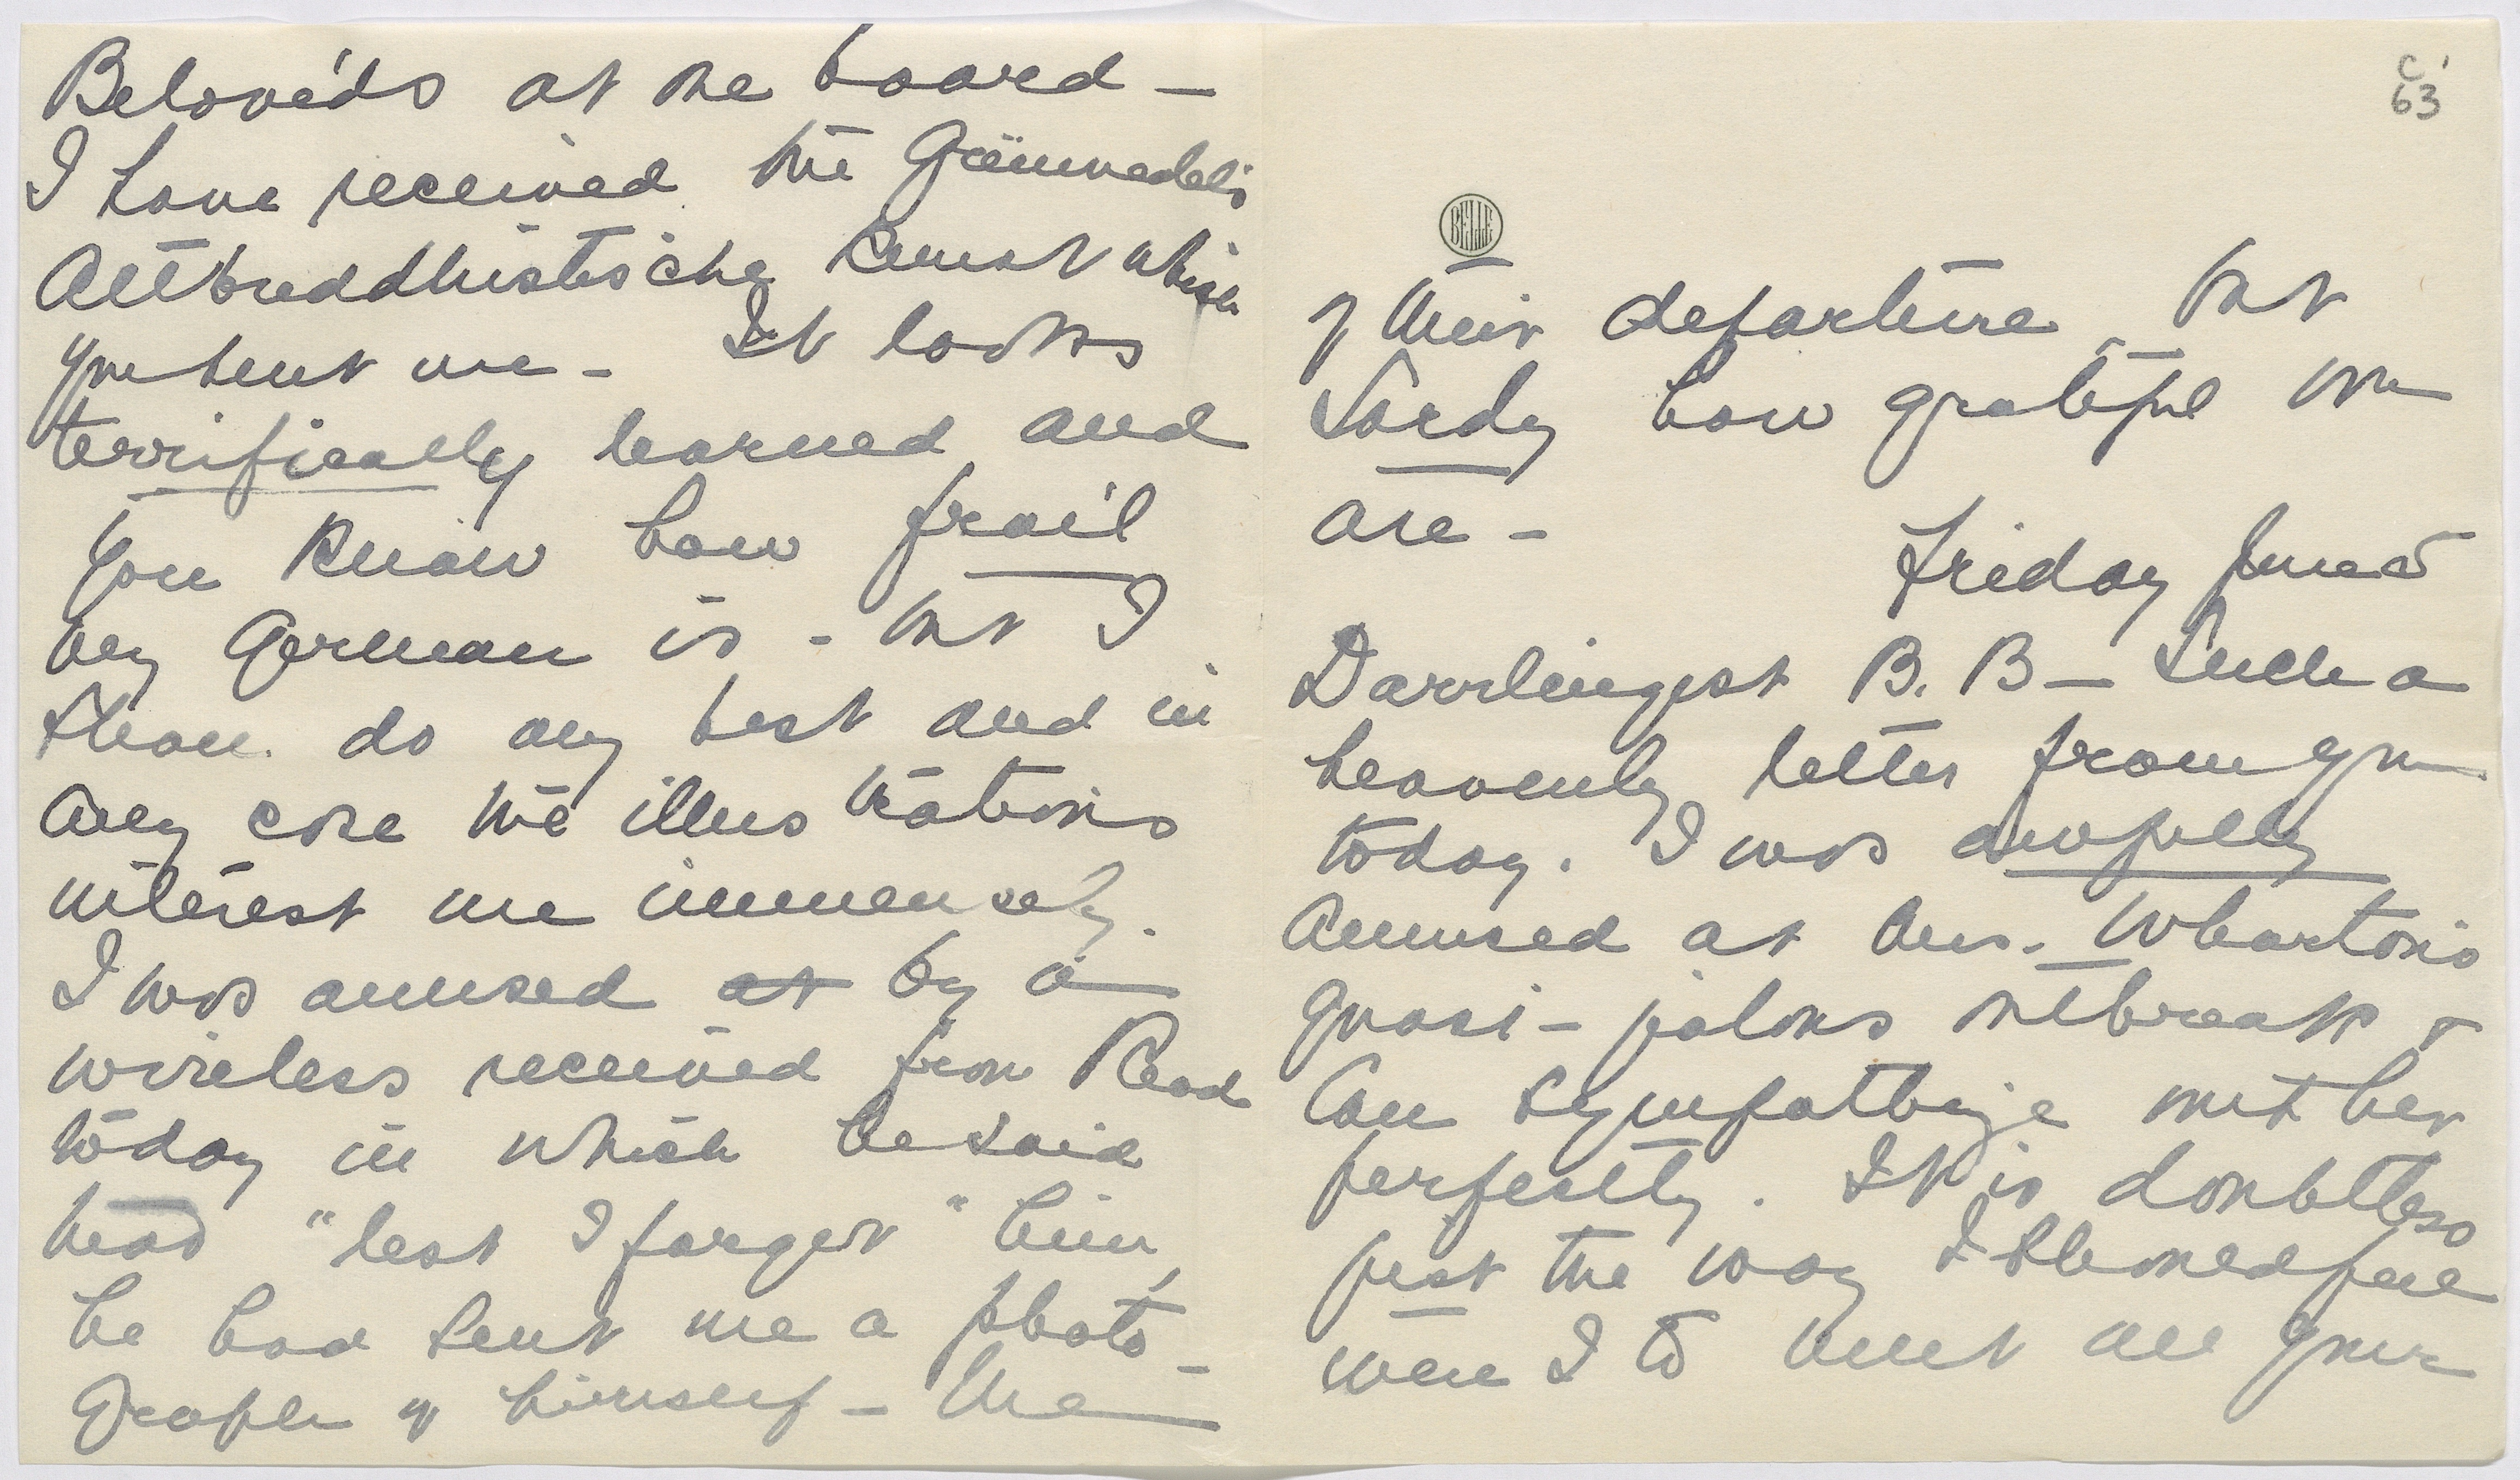of their departure but Lordy how grateful we are –
Friday June 5
Darlingest B. B – Such a heavenly letter from you today. I was awfully amused at Ms. Wharton’s quasi-jealous outbreak & can sympathize with her perfectly. It is doubtless just the way I should feel were I to meet all your
Beloved’s at one board – I have received the Grünwedel’s Altbuddhistische Kunst which you sent me – It looks terrifically learned and you know how frail my german is – but I shall do my best and in any case the illustrations interest me immensely. I was amused at by a wireless received from Read today in which he said that “lest I forget” him, he had sent me a photograph of himself – the